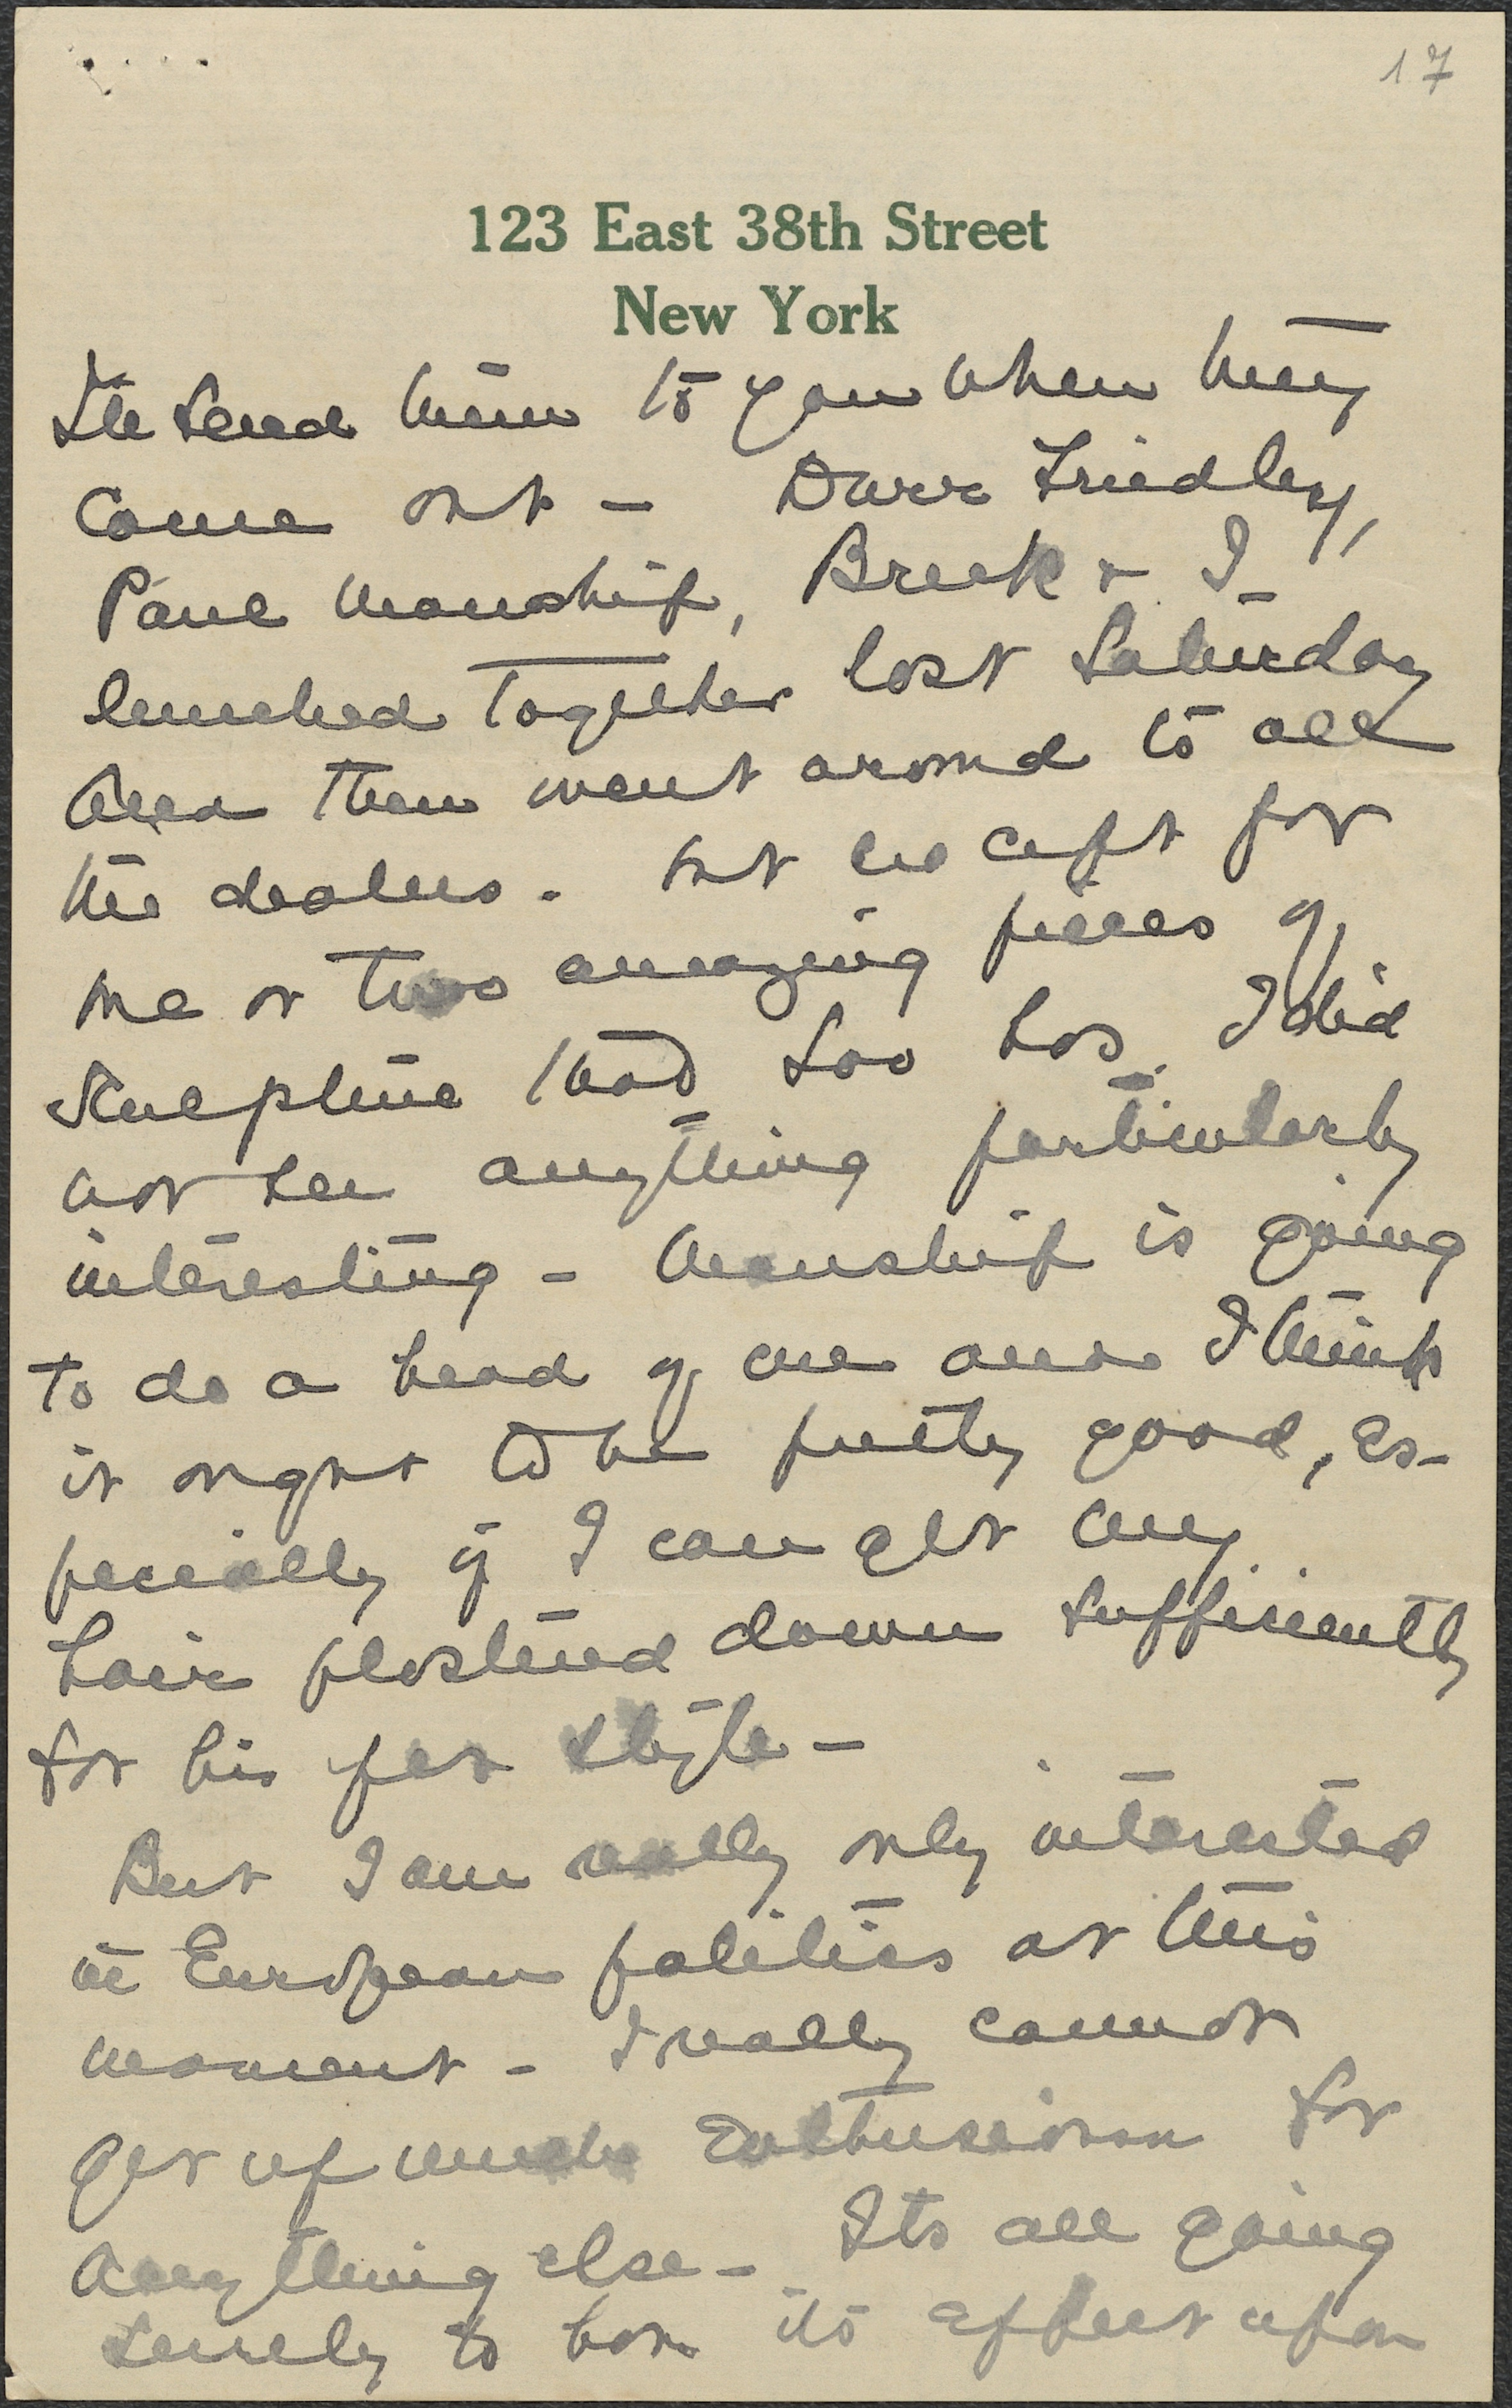I'll send them to you when they come out – Durr Friedley, Paul Manship, Breck & I lunched together last Saturday and then went around to all the dealers. But except for one or two amazing pieces of sculpture that Loo has, I did not see anything particularly interesting – Manship is going to do a head of me and I think it ought to be pretty good, especially if I can get my hair plastered down sufficiently for his pet style –
But I am really only interested in European politics at this moment – I really cannot get up much enthusiasm for anything else – Its all going surely to have its effect upon